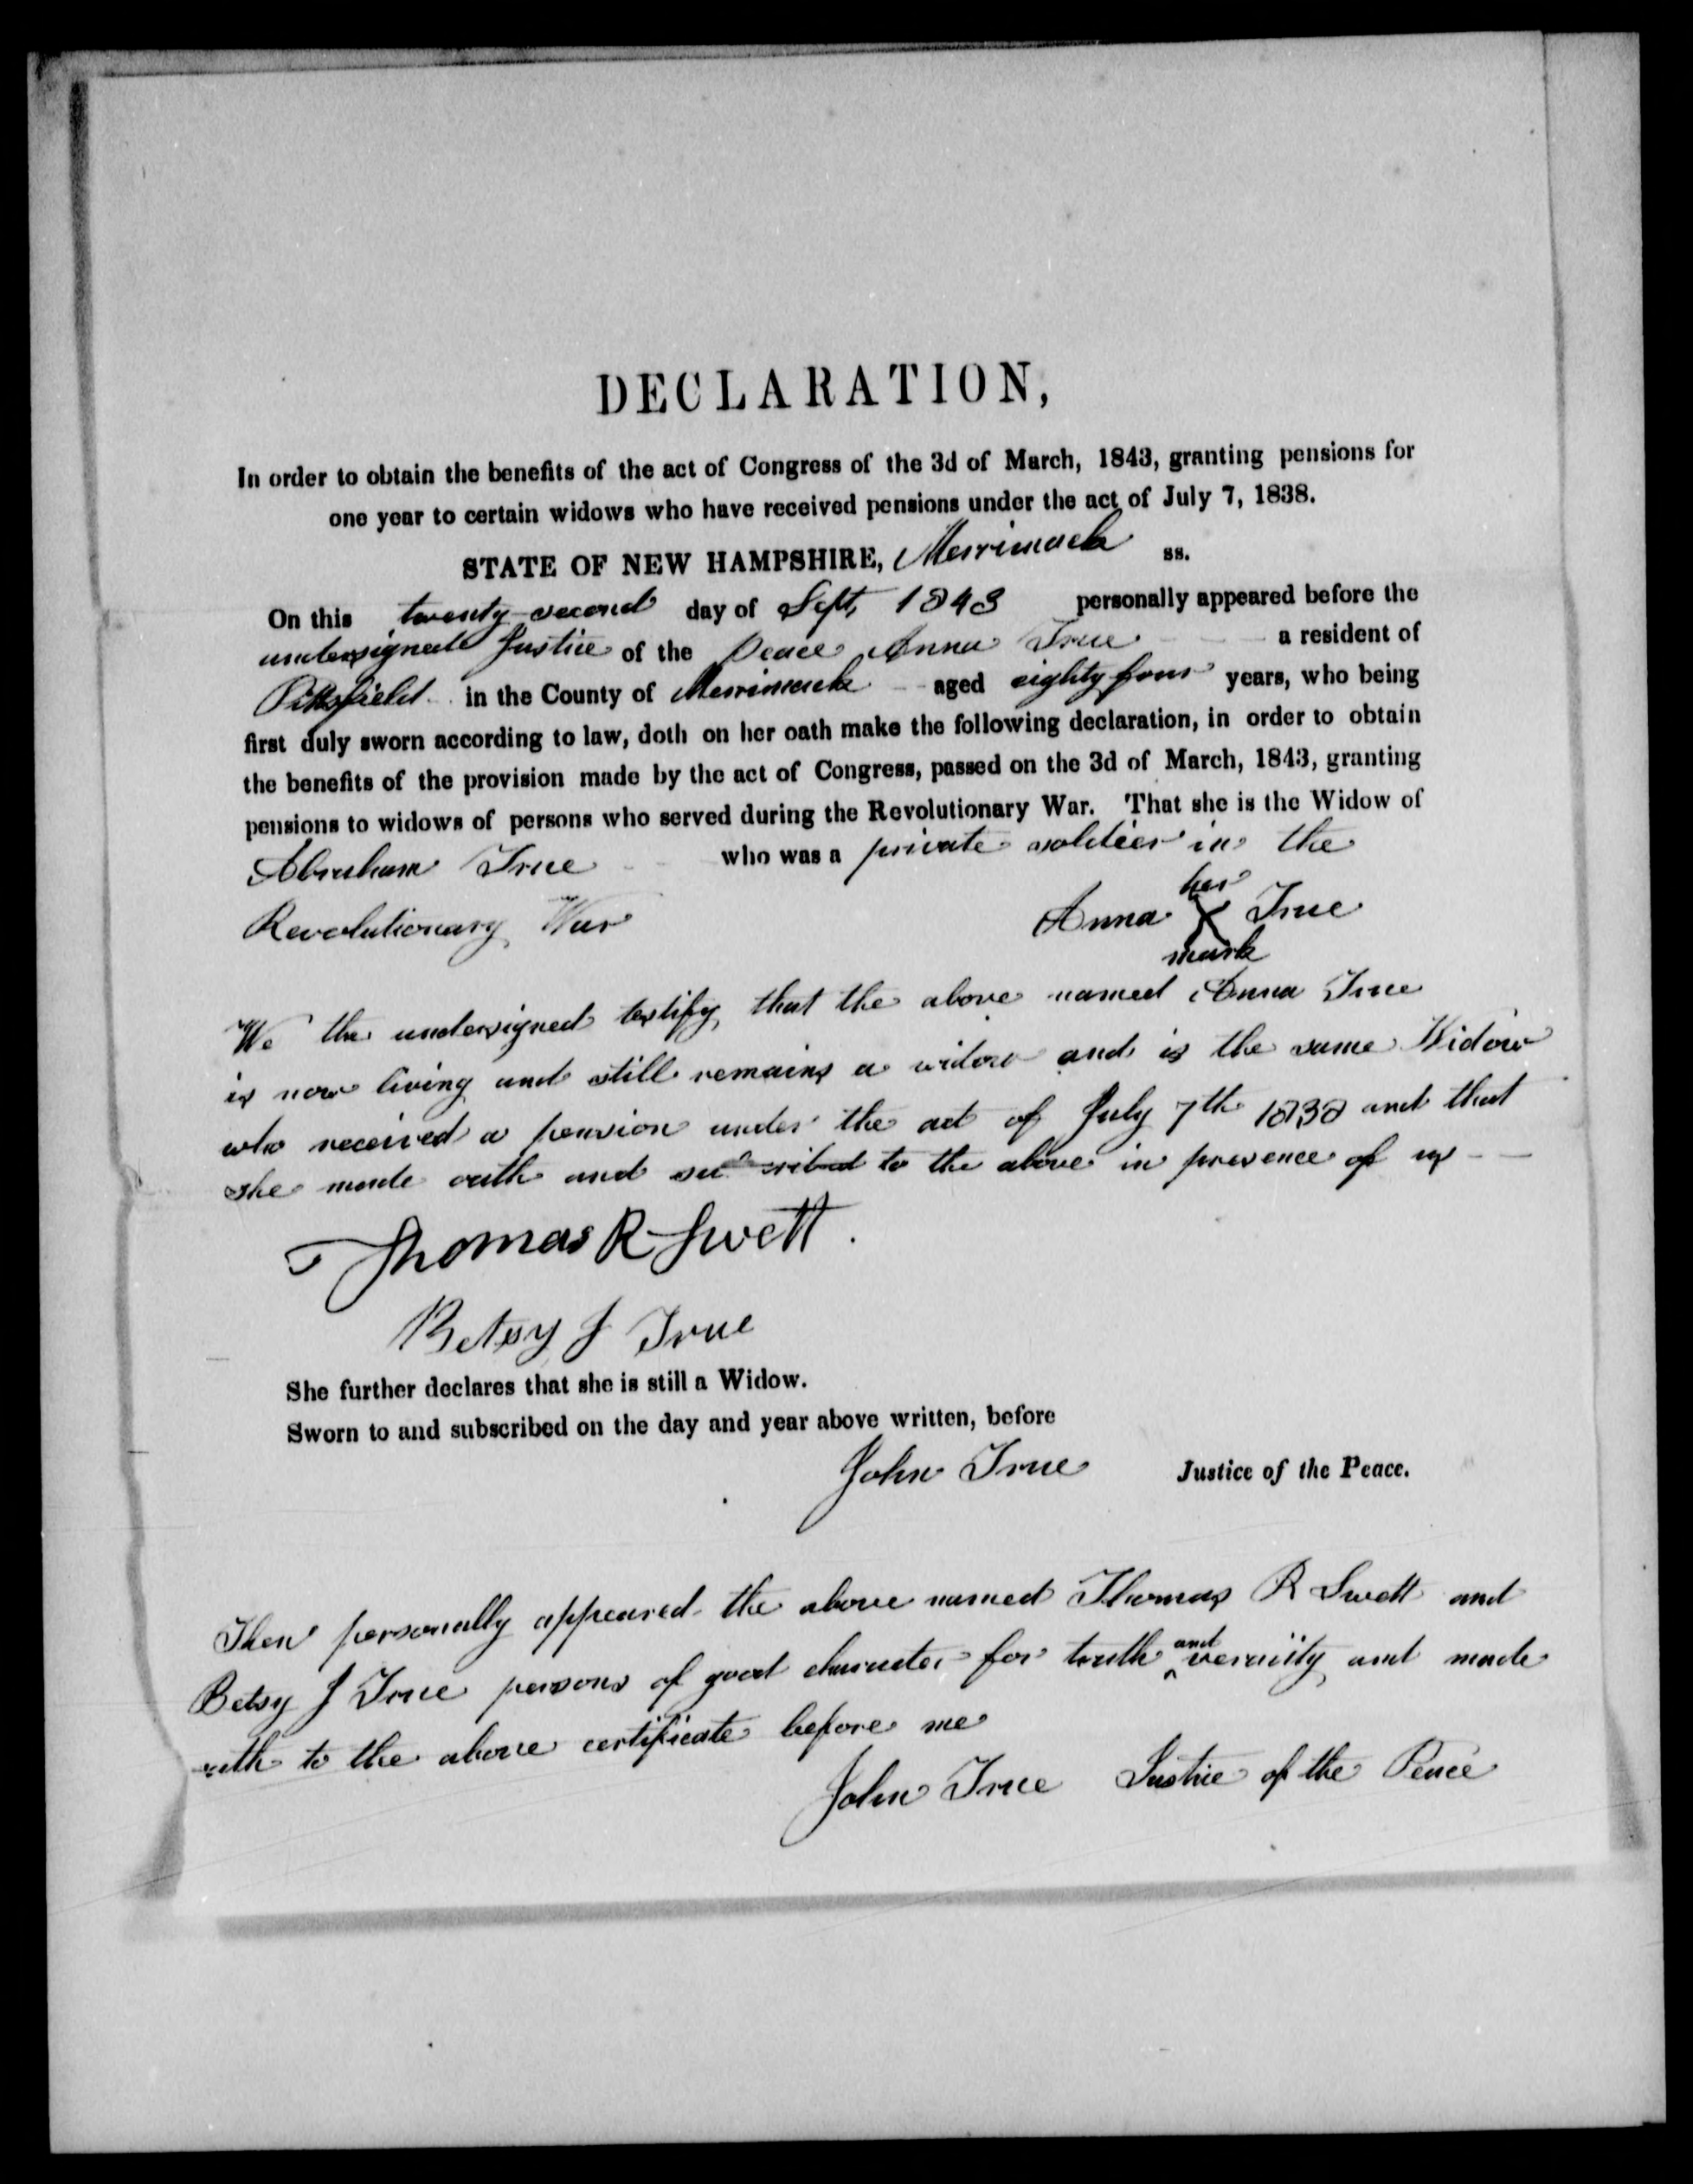Declaration,
In order to obtain the benefits of the Act of Congress of the 3d of March 1843 granting pensions
for one year to certain widows who have received pensions under the Act of July 7, 1838.
State of New Hampshire, Merrimack ss.
On this twenty-second day of September 1843 personally appeared before the
undersigned Justice of the Peace Annie True a resident of
Pittsfield in the County of Merrimack aged eightyfour years, who being
first duly sworn according to law, doth on her oath make the following declaration, in order to obtain
the benefits of the provision made by the act of Congress, passed on the 3d of March, 1843, granting
pensions to widows of persons who served during the Revolutionary War. That she is the Widow of
Abraham True who was a private soldier in the Revolutionary War
                                            Anna True
                                                     x
                                                   mark
We the undersigned testify that the above named, Anna True
is now living and still remains a widow and is the same Widow
who received a pension under the act of July 7th 1838 and that
she made oath and subscribed to the above in presence of us
Thomas R Swett
Betsy J True
She further declares that she is still a Widow
Sworn to and subscribed on the day and year above written before
                            John True Justice of the Peace

Then personally appeared the above named Thomas T Swett and
Betsy J True persons of good character for truth ^and veracity and made
with to the above certificate before me
                          John True Justice of the Peace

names: Betsy J True, John True, Anna True, Betsy J True, Anna True, John True, Anna True, Abraham True, Thomas R Swett, Thomas R Swett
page: 21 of 24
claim: widow's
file: W. 16,451, Abraham True, N.H.